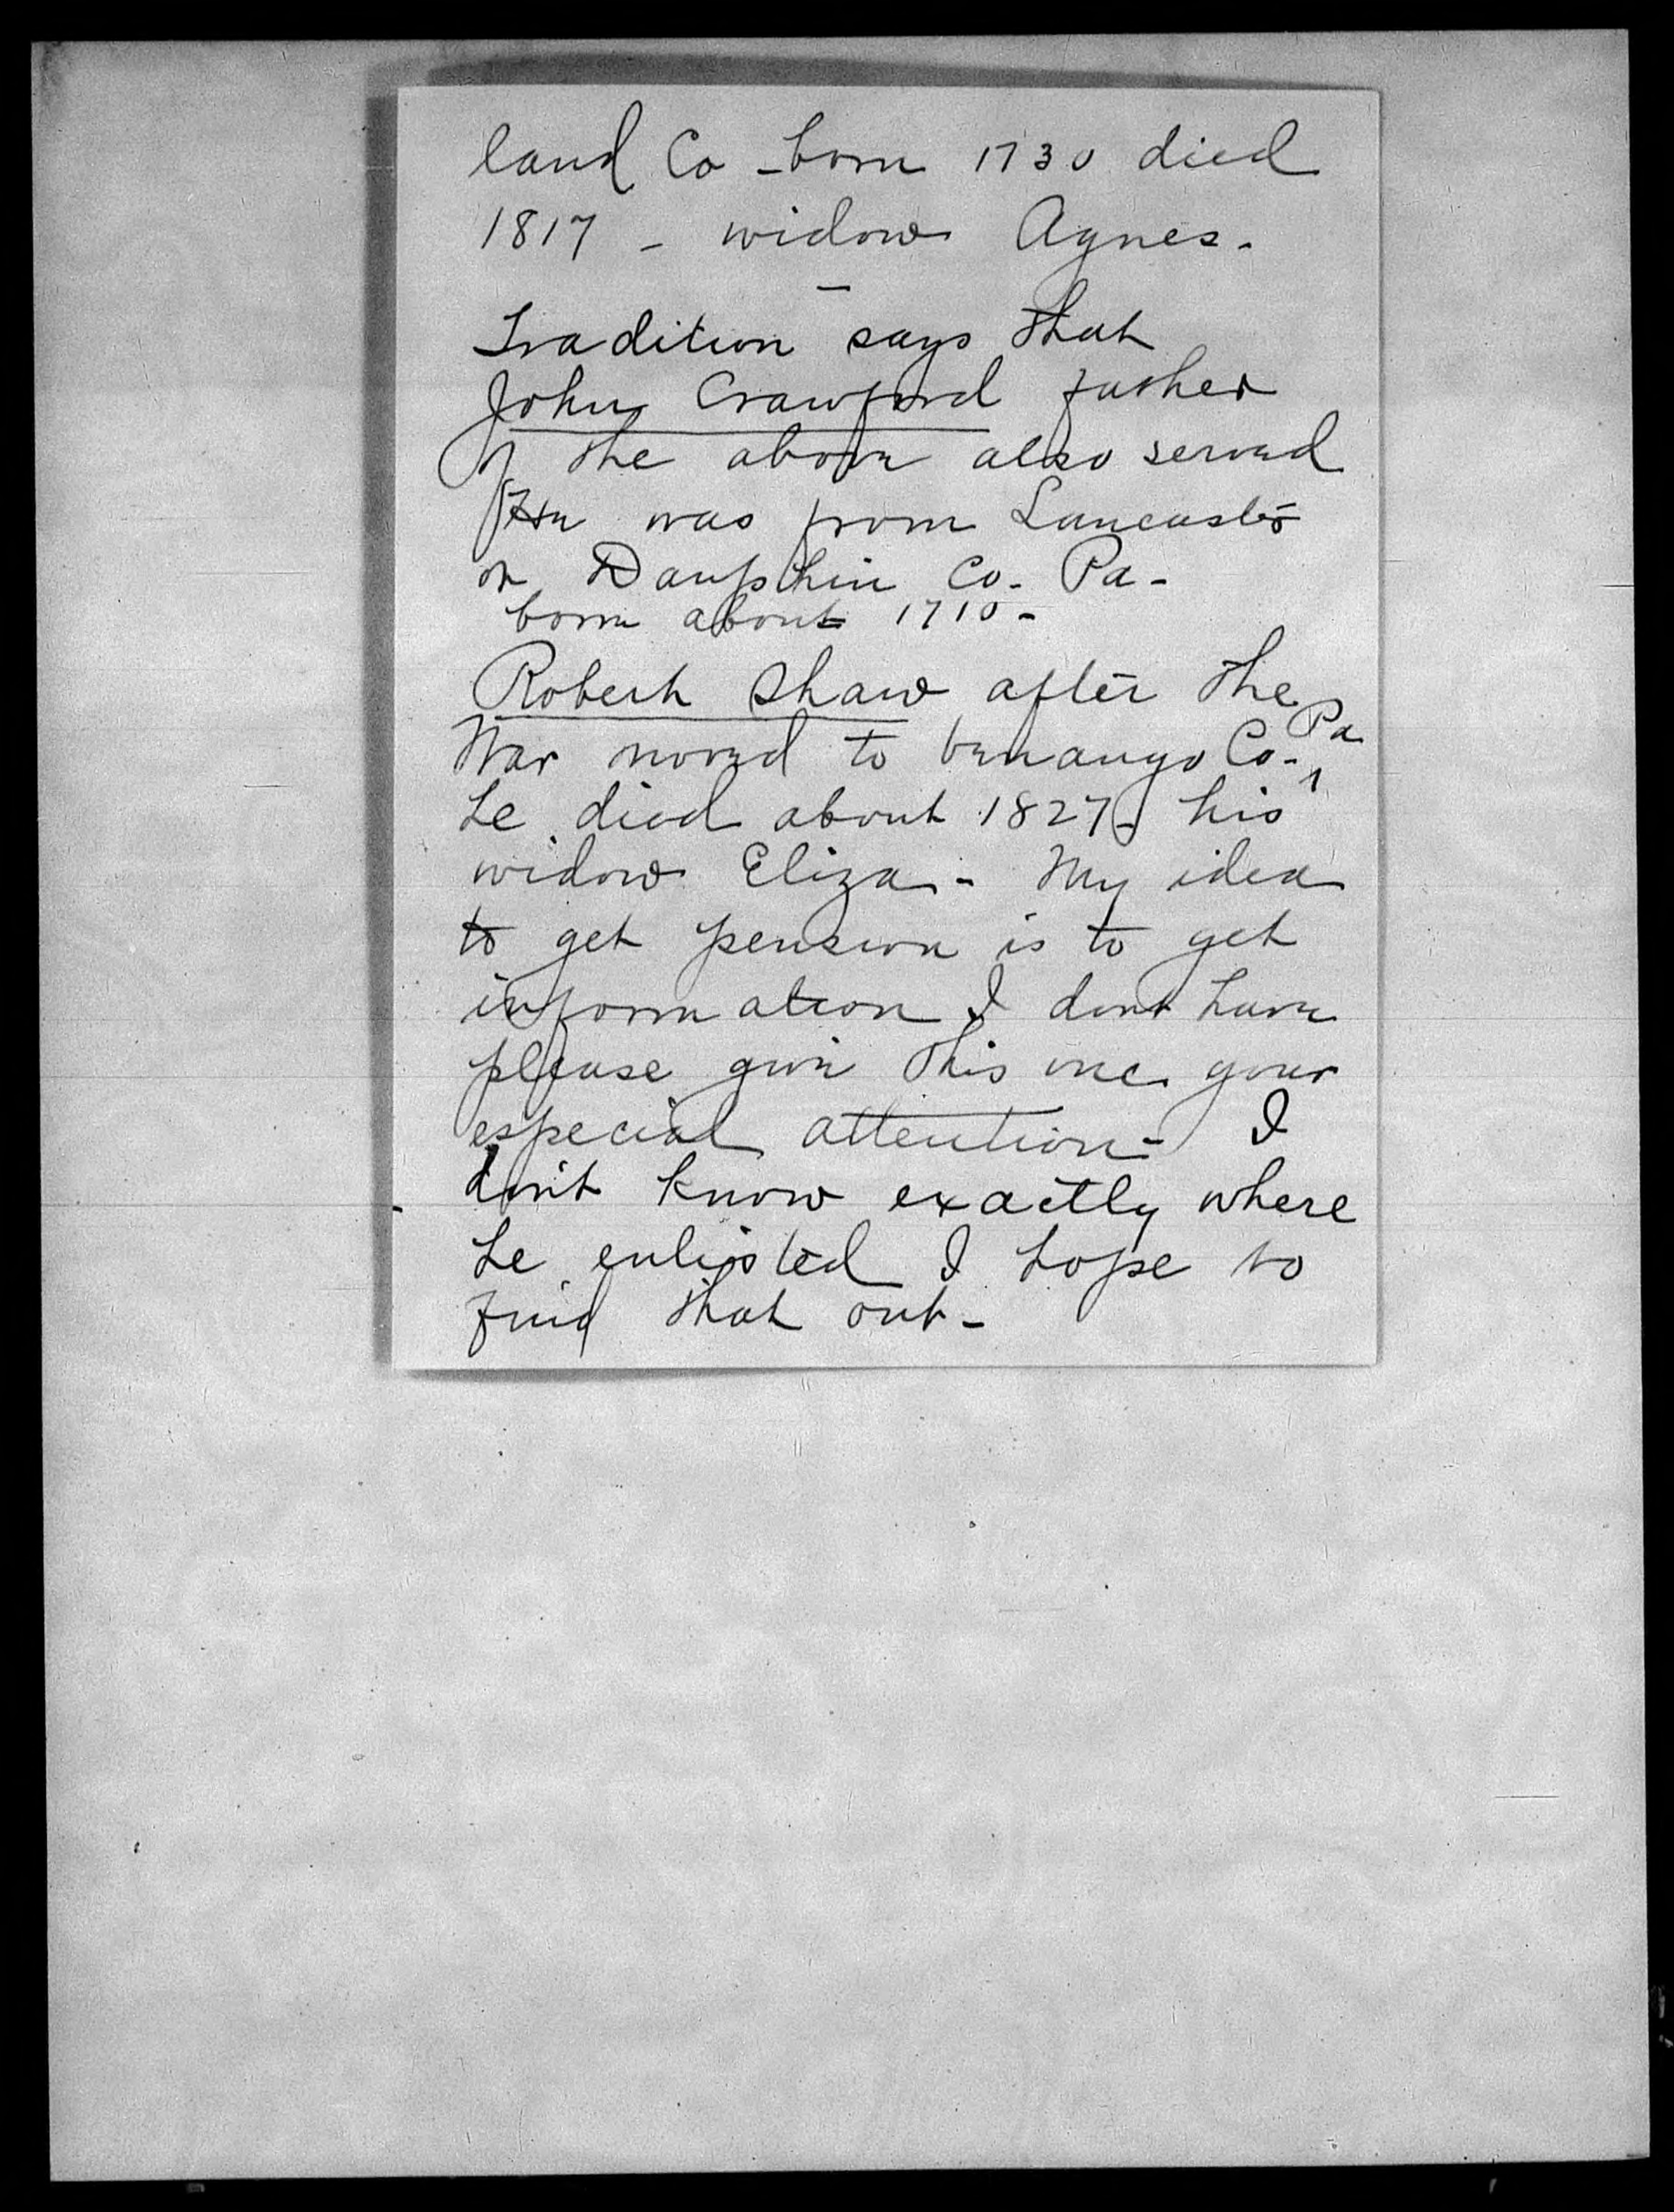Jersey Shore, Pa.    
March 1, 1913.        
The Pension Department,     
Washington, D.C.   
My dear sirs-  
In reply to your letter dated Feb. 27 beg leave to say that it is recorded in the Pa. Archives that my ancestor Major James Crawford was granted a pension per act 29th March 1843 (see page 198 Vol x1 2nd series)  He was major of 12th Pa regiment. Col Wm Cooke residence Northumberland -
Co. - born 1730 died 1817 - widow Agnes    
Tradition says that John Crawford father the above also served He was from Lancaster or Dauphin Co. Pa. born about 1710 -    
Robert Shaw after the War moved to Venango Co Pa  - he died about 1827 his 1 widow Eliza - my idea to get pension is to get information I dont have   
please give this one your especial attention – I dont know exactly where he enlisted I hope to find that out -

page: 23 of 31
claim: survivor's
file: S. 6154, for Joseph Sturgis, Pennsylvania